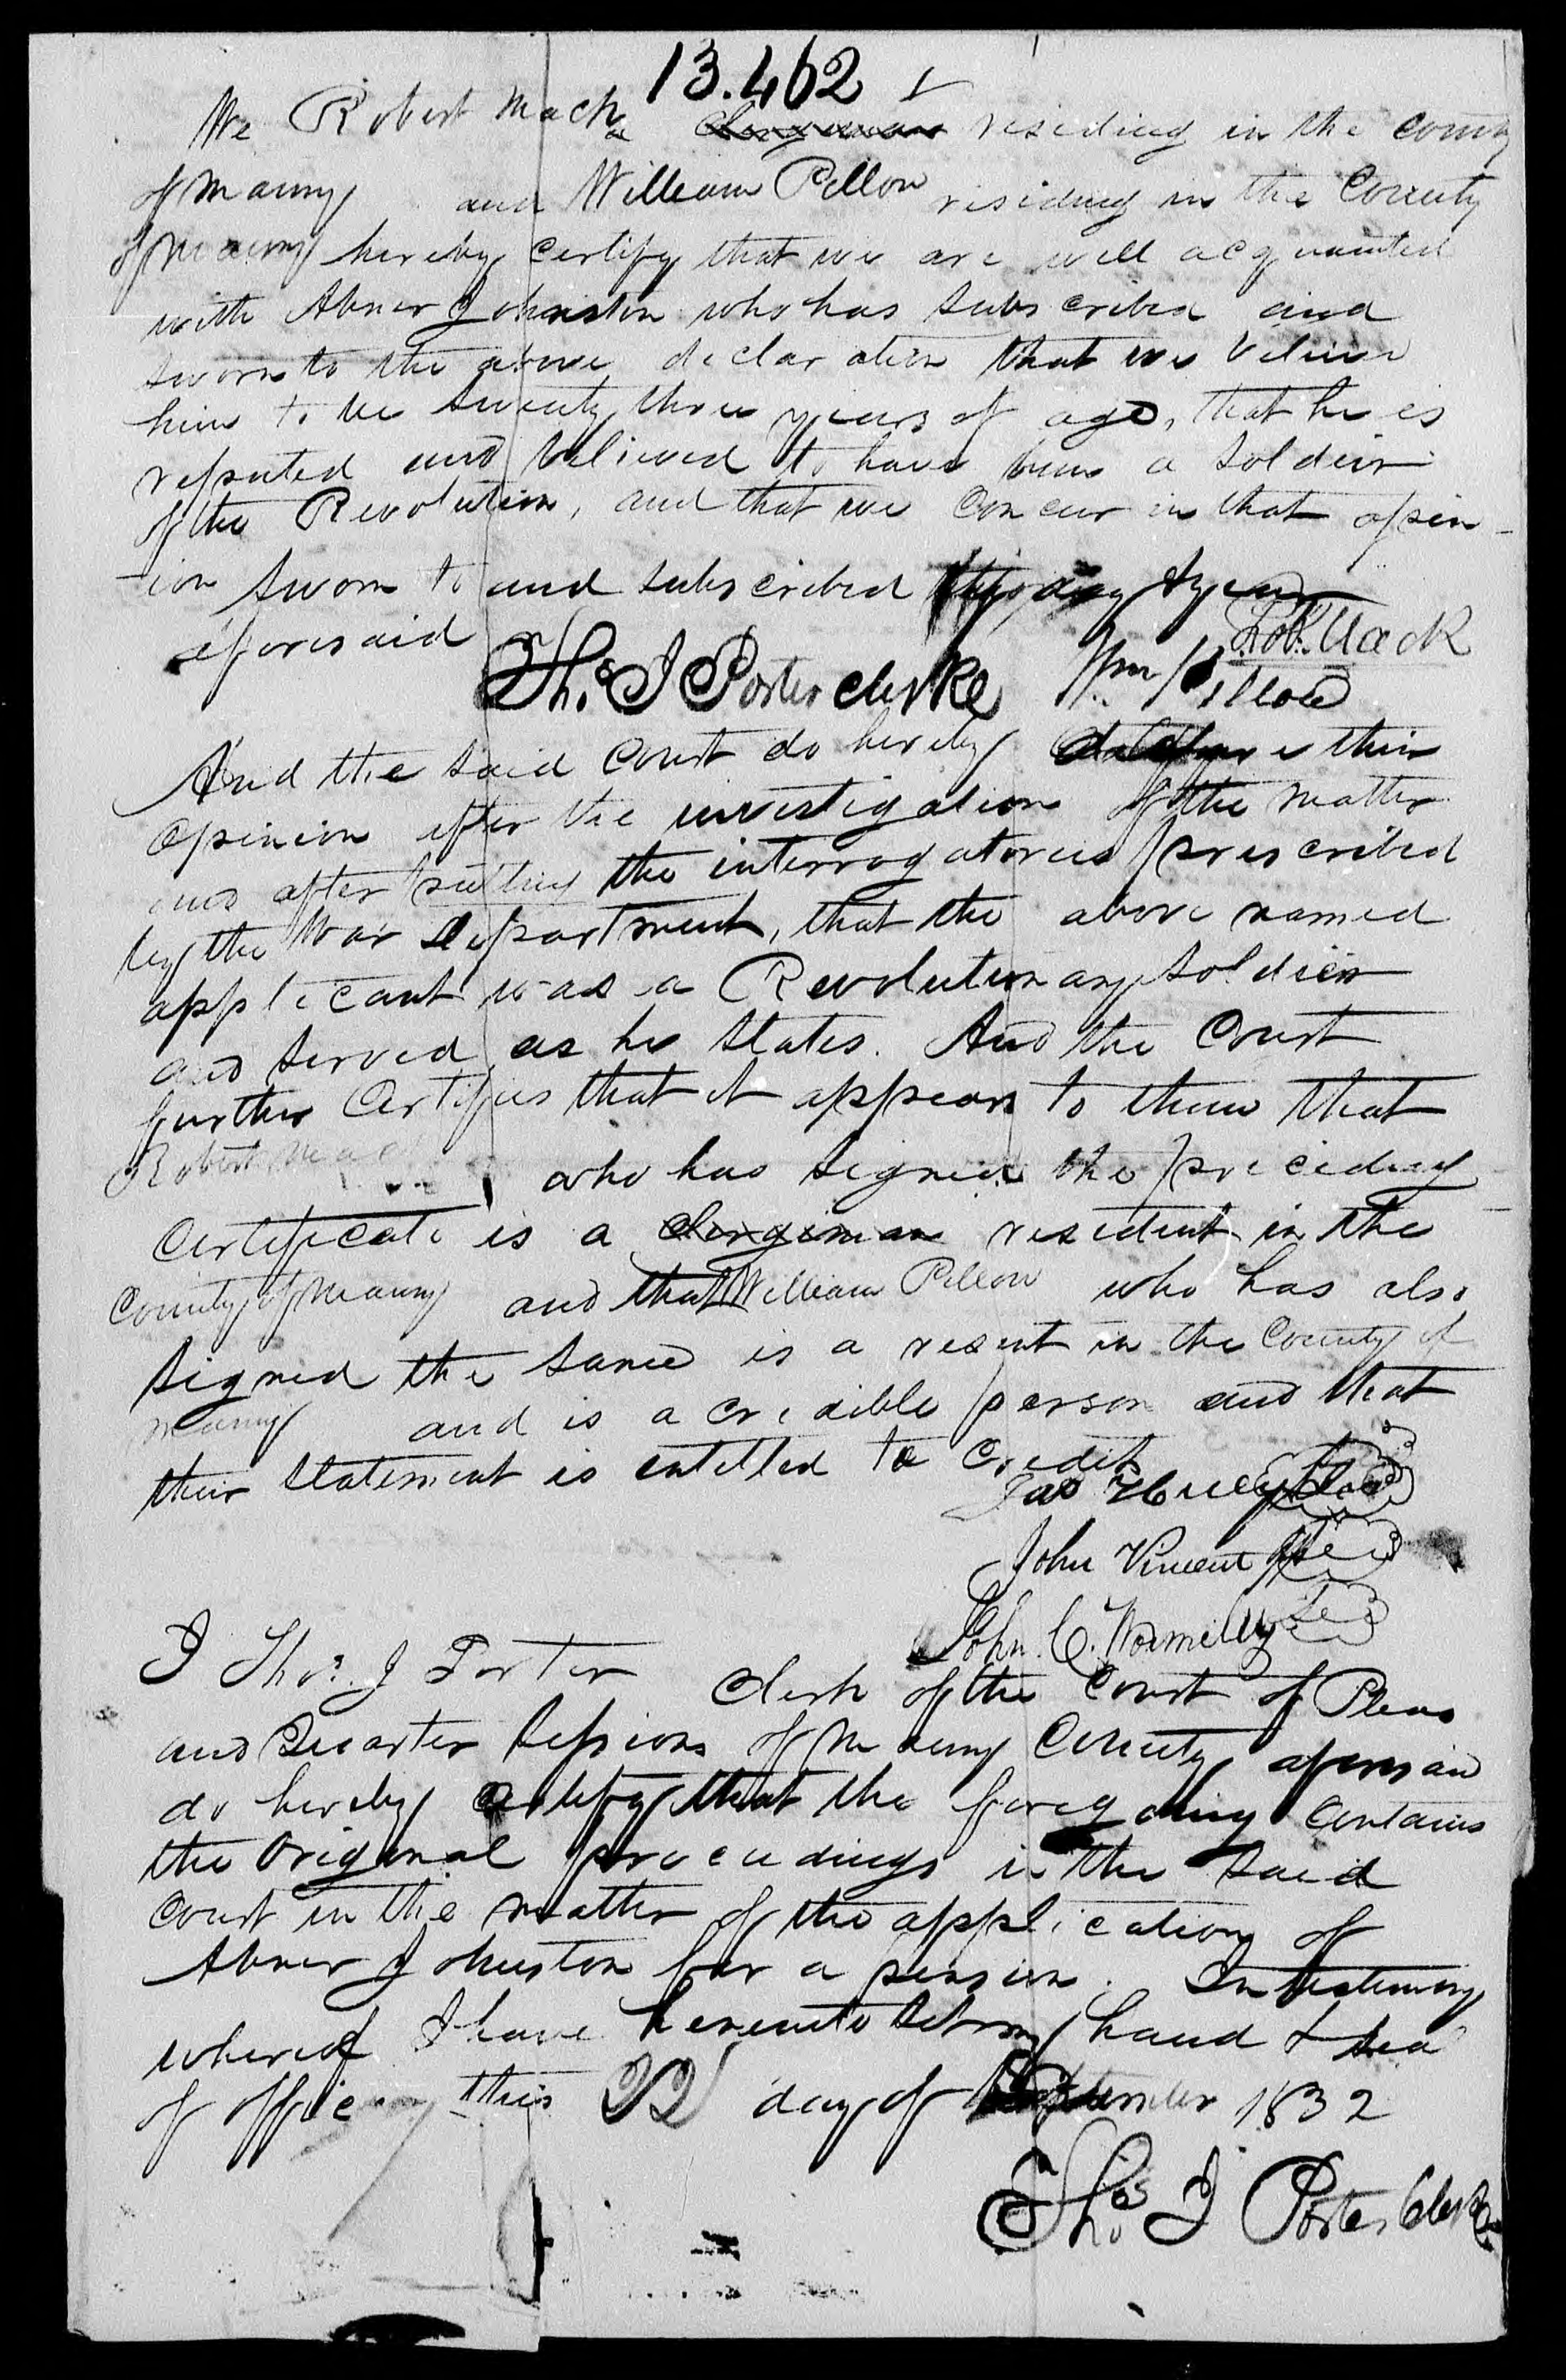13462
Mr. Robert Mack residing in the county of Maury and William Pillow residing in the County of Maury hereby certify that we are well acquainted with Abner Johnston who has subscribed and sworn to the above declaration that we believe him to be seventy three years of age, that he is reputed and believed to have been a soldier of the Revolution, and that we concur in that opinion.  sworn to and subscribed this day and year aforesaid.
                         Rob. Mack
                         Wm. Pillow
Tho. J. Porter Clerk

Anda the said Court do hereby declare in their opinion after the investigation of the matter and after putting the interrogatories prescribed by the War Department, that the above named applicant was a Revolutionary soldier and served as he states.  And the court further certifies that it appears to them that Robert Mack who has signed the preceding certificate is a resident in the County of Maury and that William Pillow who has also signed the same is a resident in the County of Maury and is a credible person and that their statement is entitled to credit.
                    Jas (illegible) JP
                    John Vincent JP
                    John C. Wormelly Sec

I Tho. J. Porter clerk of the court of Pleas and Quarter Sessions of Maury County aforesaid do hereby certify that the foregoing contains the original proceedings in the said Court in the matter of the application of Abner Johnston for a pension.  In testimony whereof I have hereunto set my hand & seal of office this 22 day of September 1832
(seal)
                             Thomas J Porter Clerk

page: 15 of 27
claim: rejected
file: R. 5649, for Abner Johnson, North Carolina